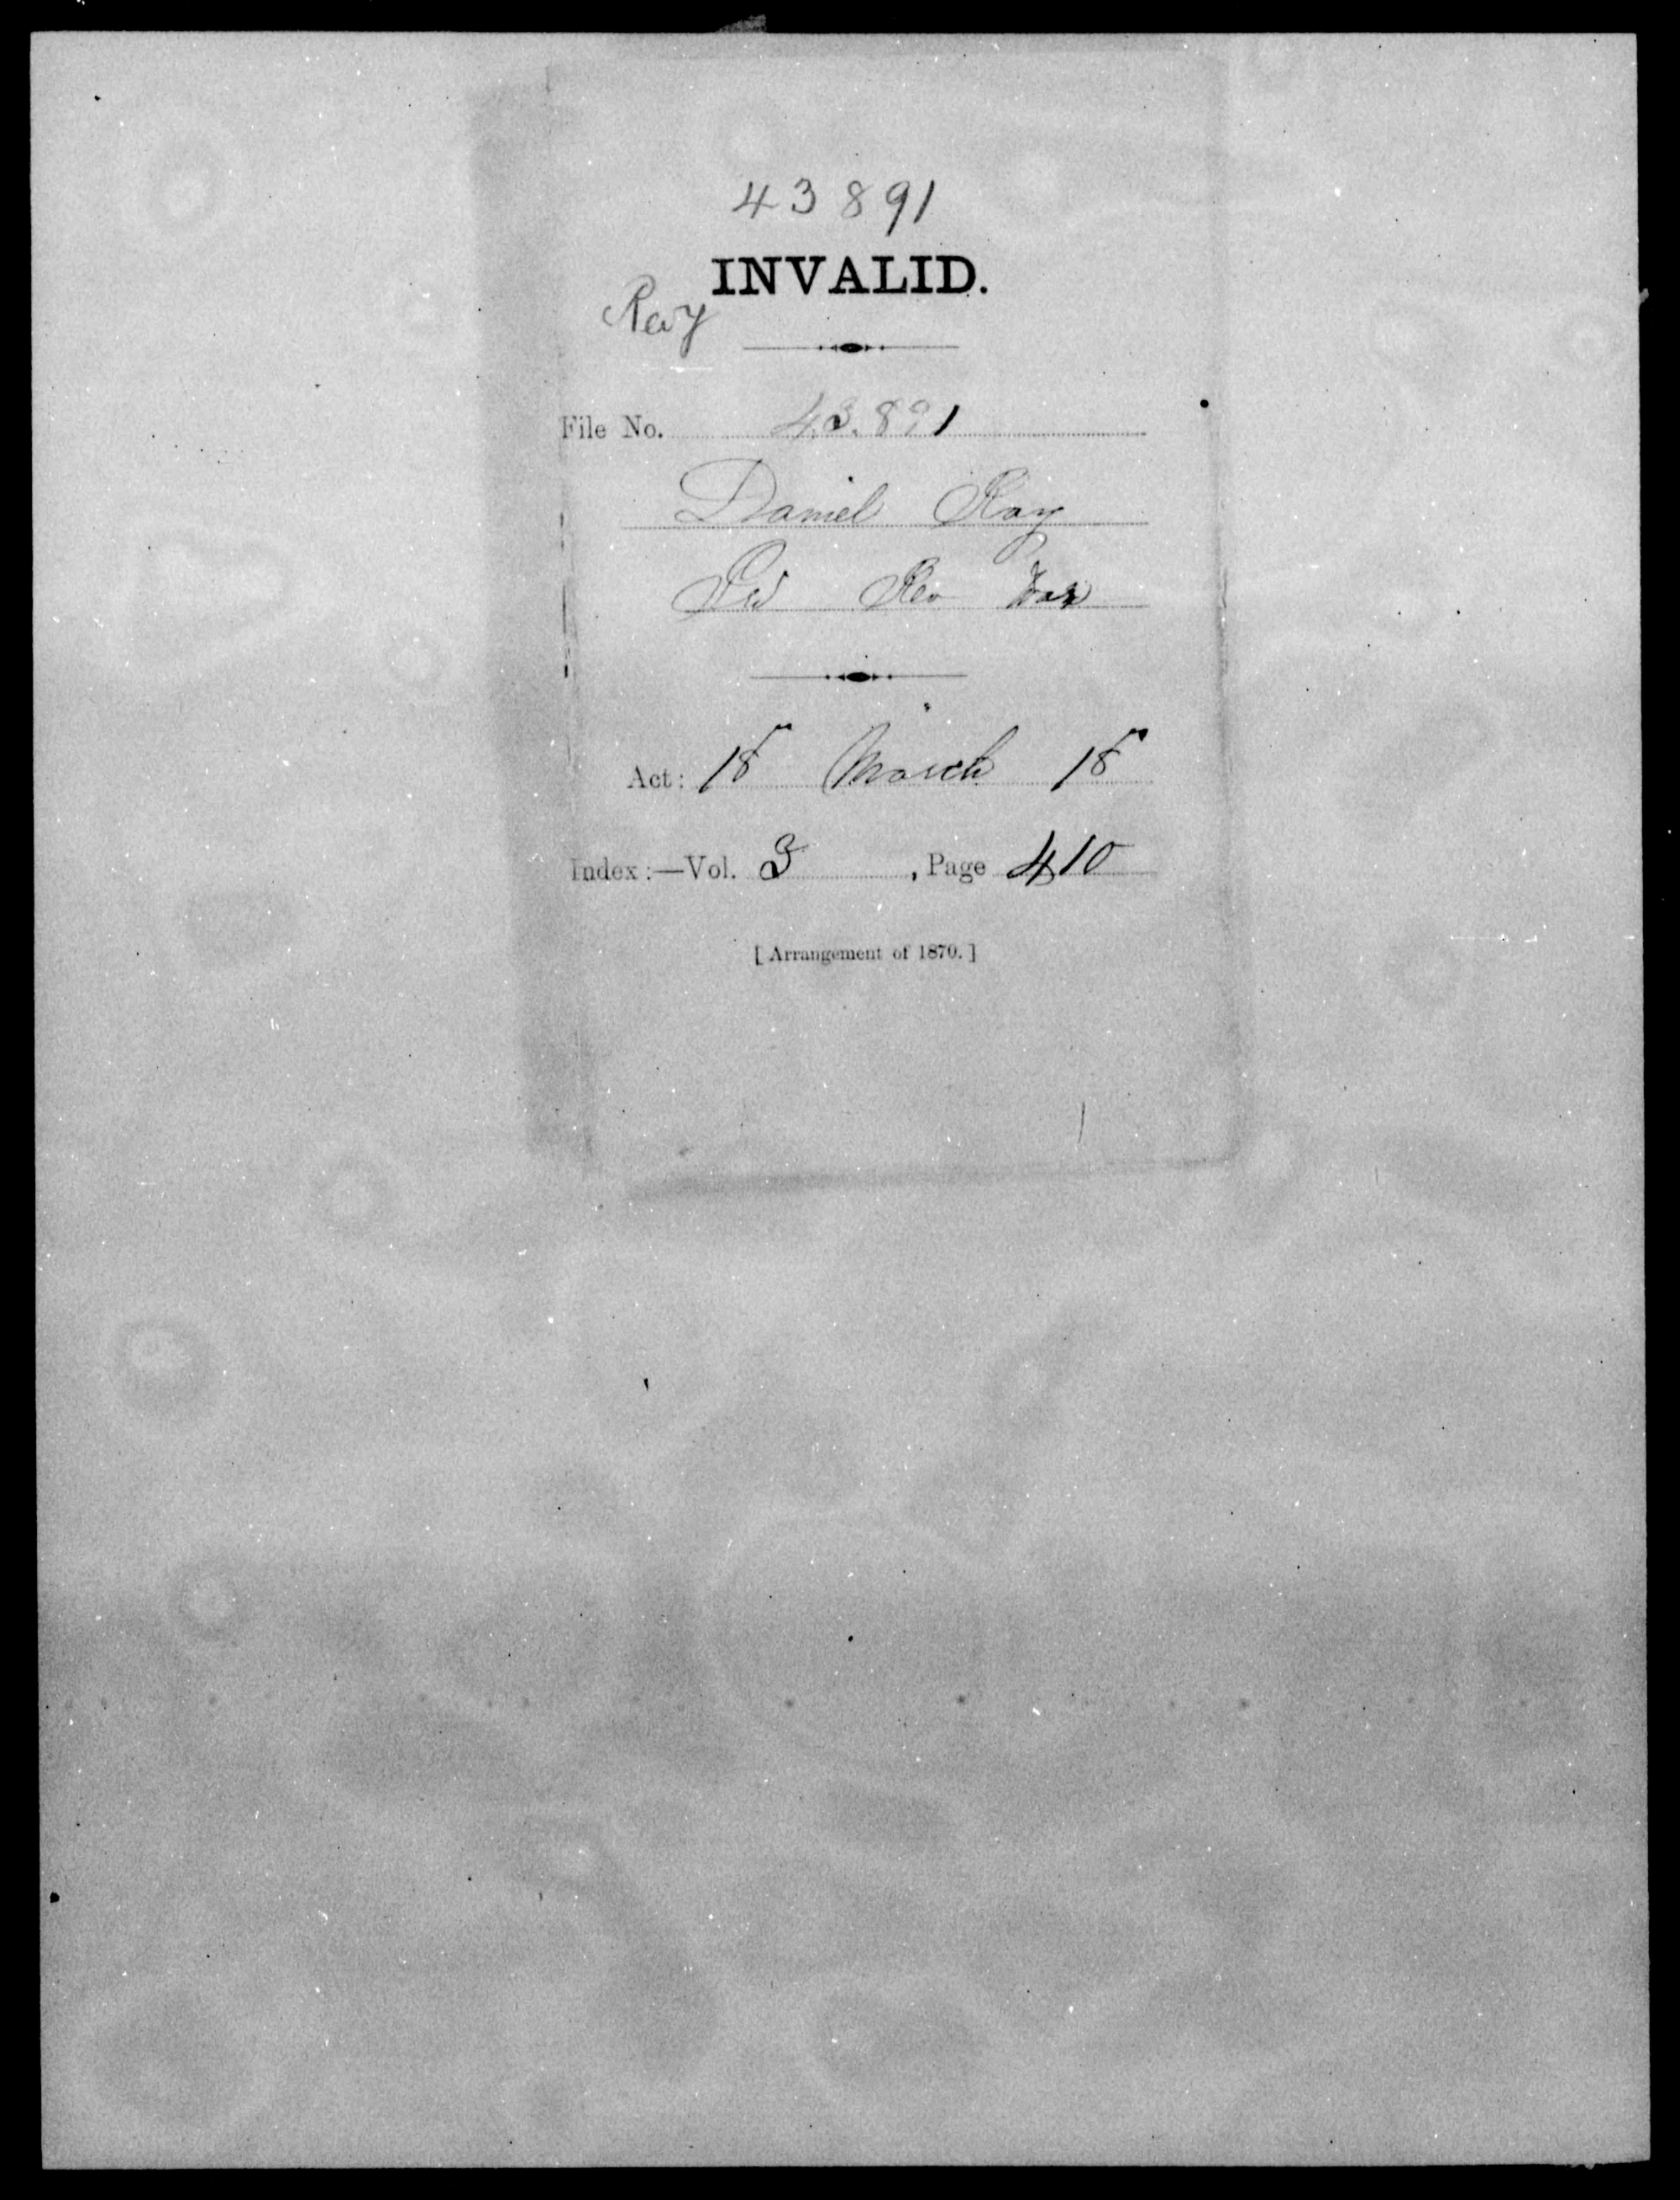43891
INVALID
Revy
File No. 4.3.891
Daniel Ray
[illegible] 

Act: 18 March 18
Index: Vol. 5, Page 410
[Arrangement of 1870.]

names: Daniel Ray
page: 15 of 20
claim: survivor's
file: S. 43891, for Daniel Ray, Connecticut